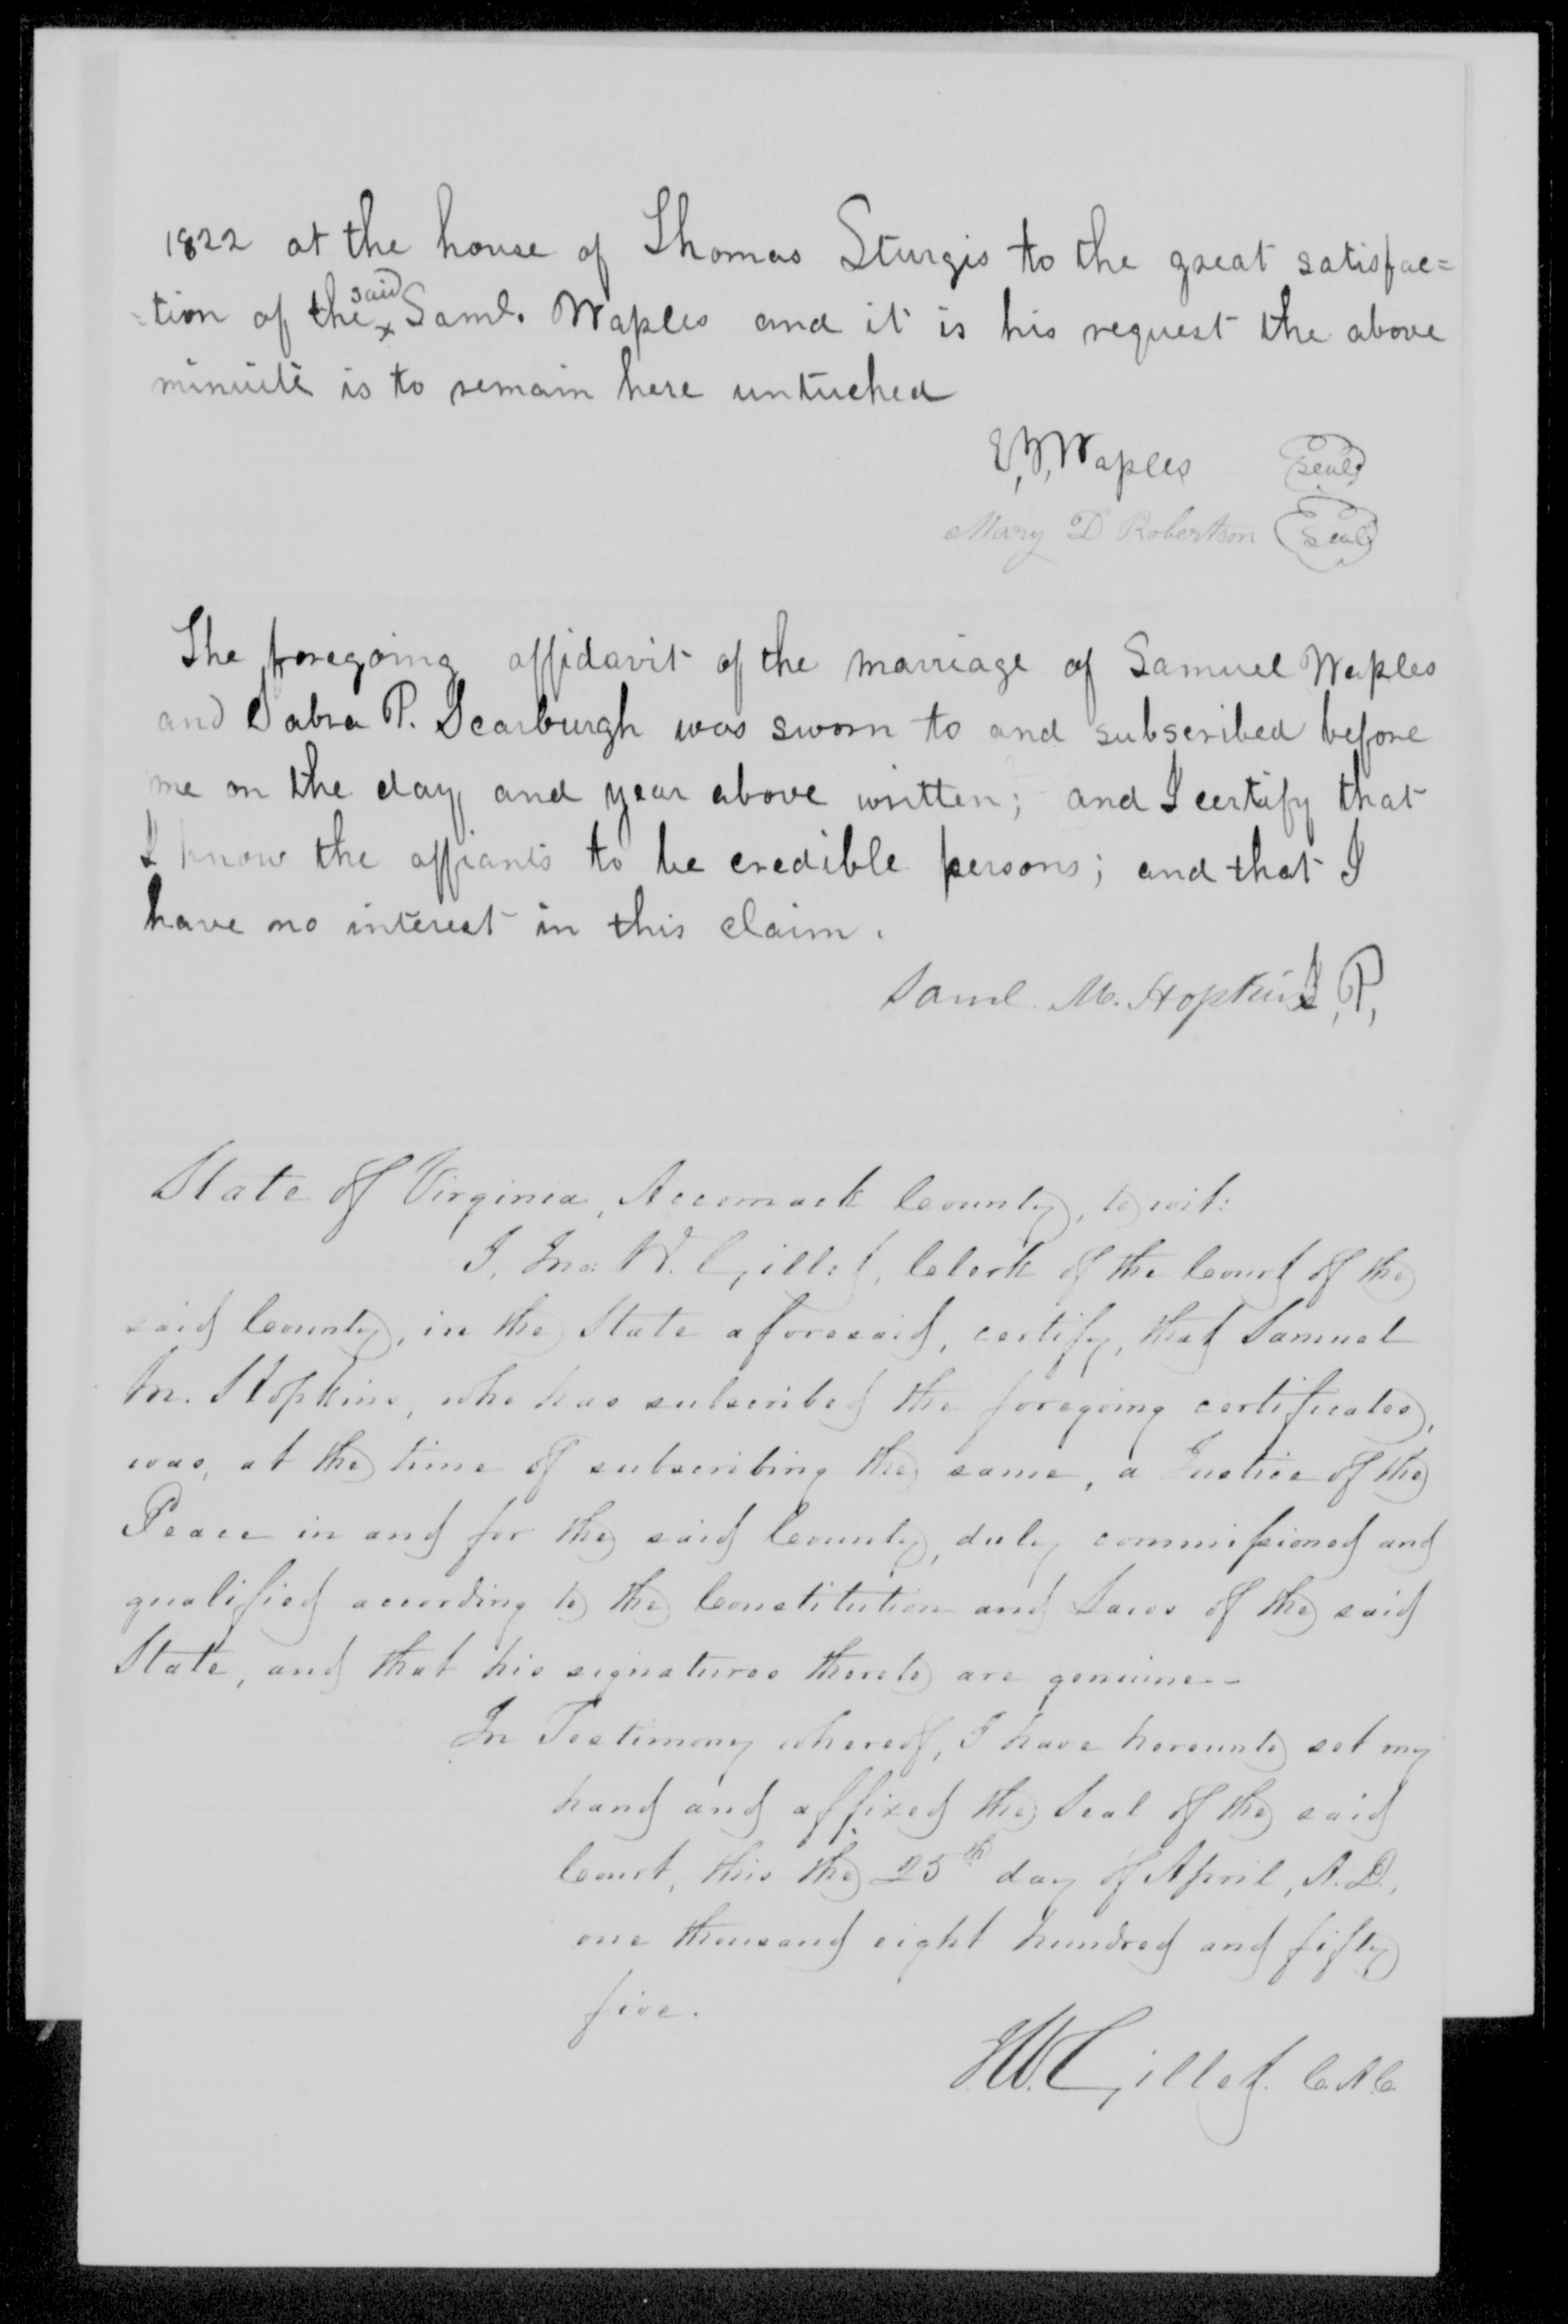1822 at the house of Thomas Sturgis to the great satisfaction of the said Saml. Maples and it is his request the above 
minute is to remain here untouched 
W. Waples {seal}
Mary D Robertson {seal}

The foregoing affidavit of the marriage of Samuel Waples and Sabra P. Scarburgh was sworn to and subscribed before me on the day and year above written; and I certify that I know the affiants to be credible persons; and that I
have no interest in this claim.
Saml. M. Hopkins J. P.

State of Virginia, Accomack County, to wit
I, Jno. W. Gillet, Clerk of the Court of the said County, in the State aforesaid, certify, that Samuel M. Hopkins, who has subscribed the foregoing certificates, was, at the time of subscribing the same, a Justice of the Peace in and for the said County, duly commissioned and qualified according to the Constitution and Laws of the said State, and in that his signatures thereto are genuine.
In Testimony whereof, I have hereunto set my hand and affixed the Seal of the said Court, this the 25th day of April, A.D. one thousand eight hundred and fifty
five.
J. W. Gillet C. A. C.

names: Samuel Waples, Samuel M Hopkins, E B Waples, Jno W Gillet, Saml M Hopkins, Mary D Robertson, Saml Waples, Thomas Sturgis, Sabra P Scarburgh, J W Gillet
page: 19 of 59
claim: widow's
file: W. 6427, Samuel Waples, Va.